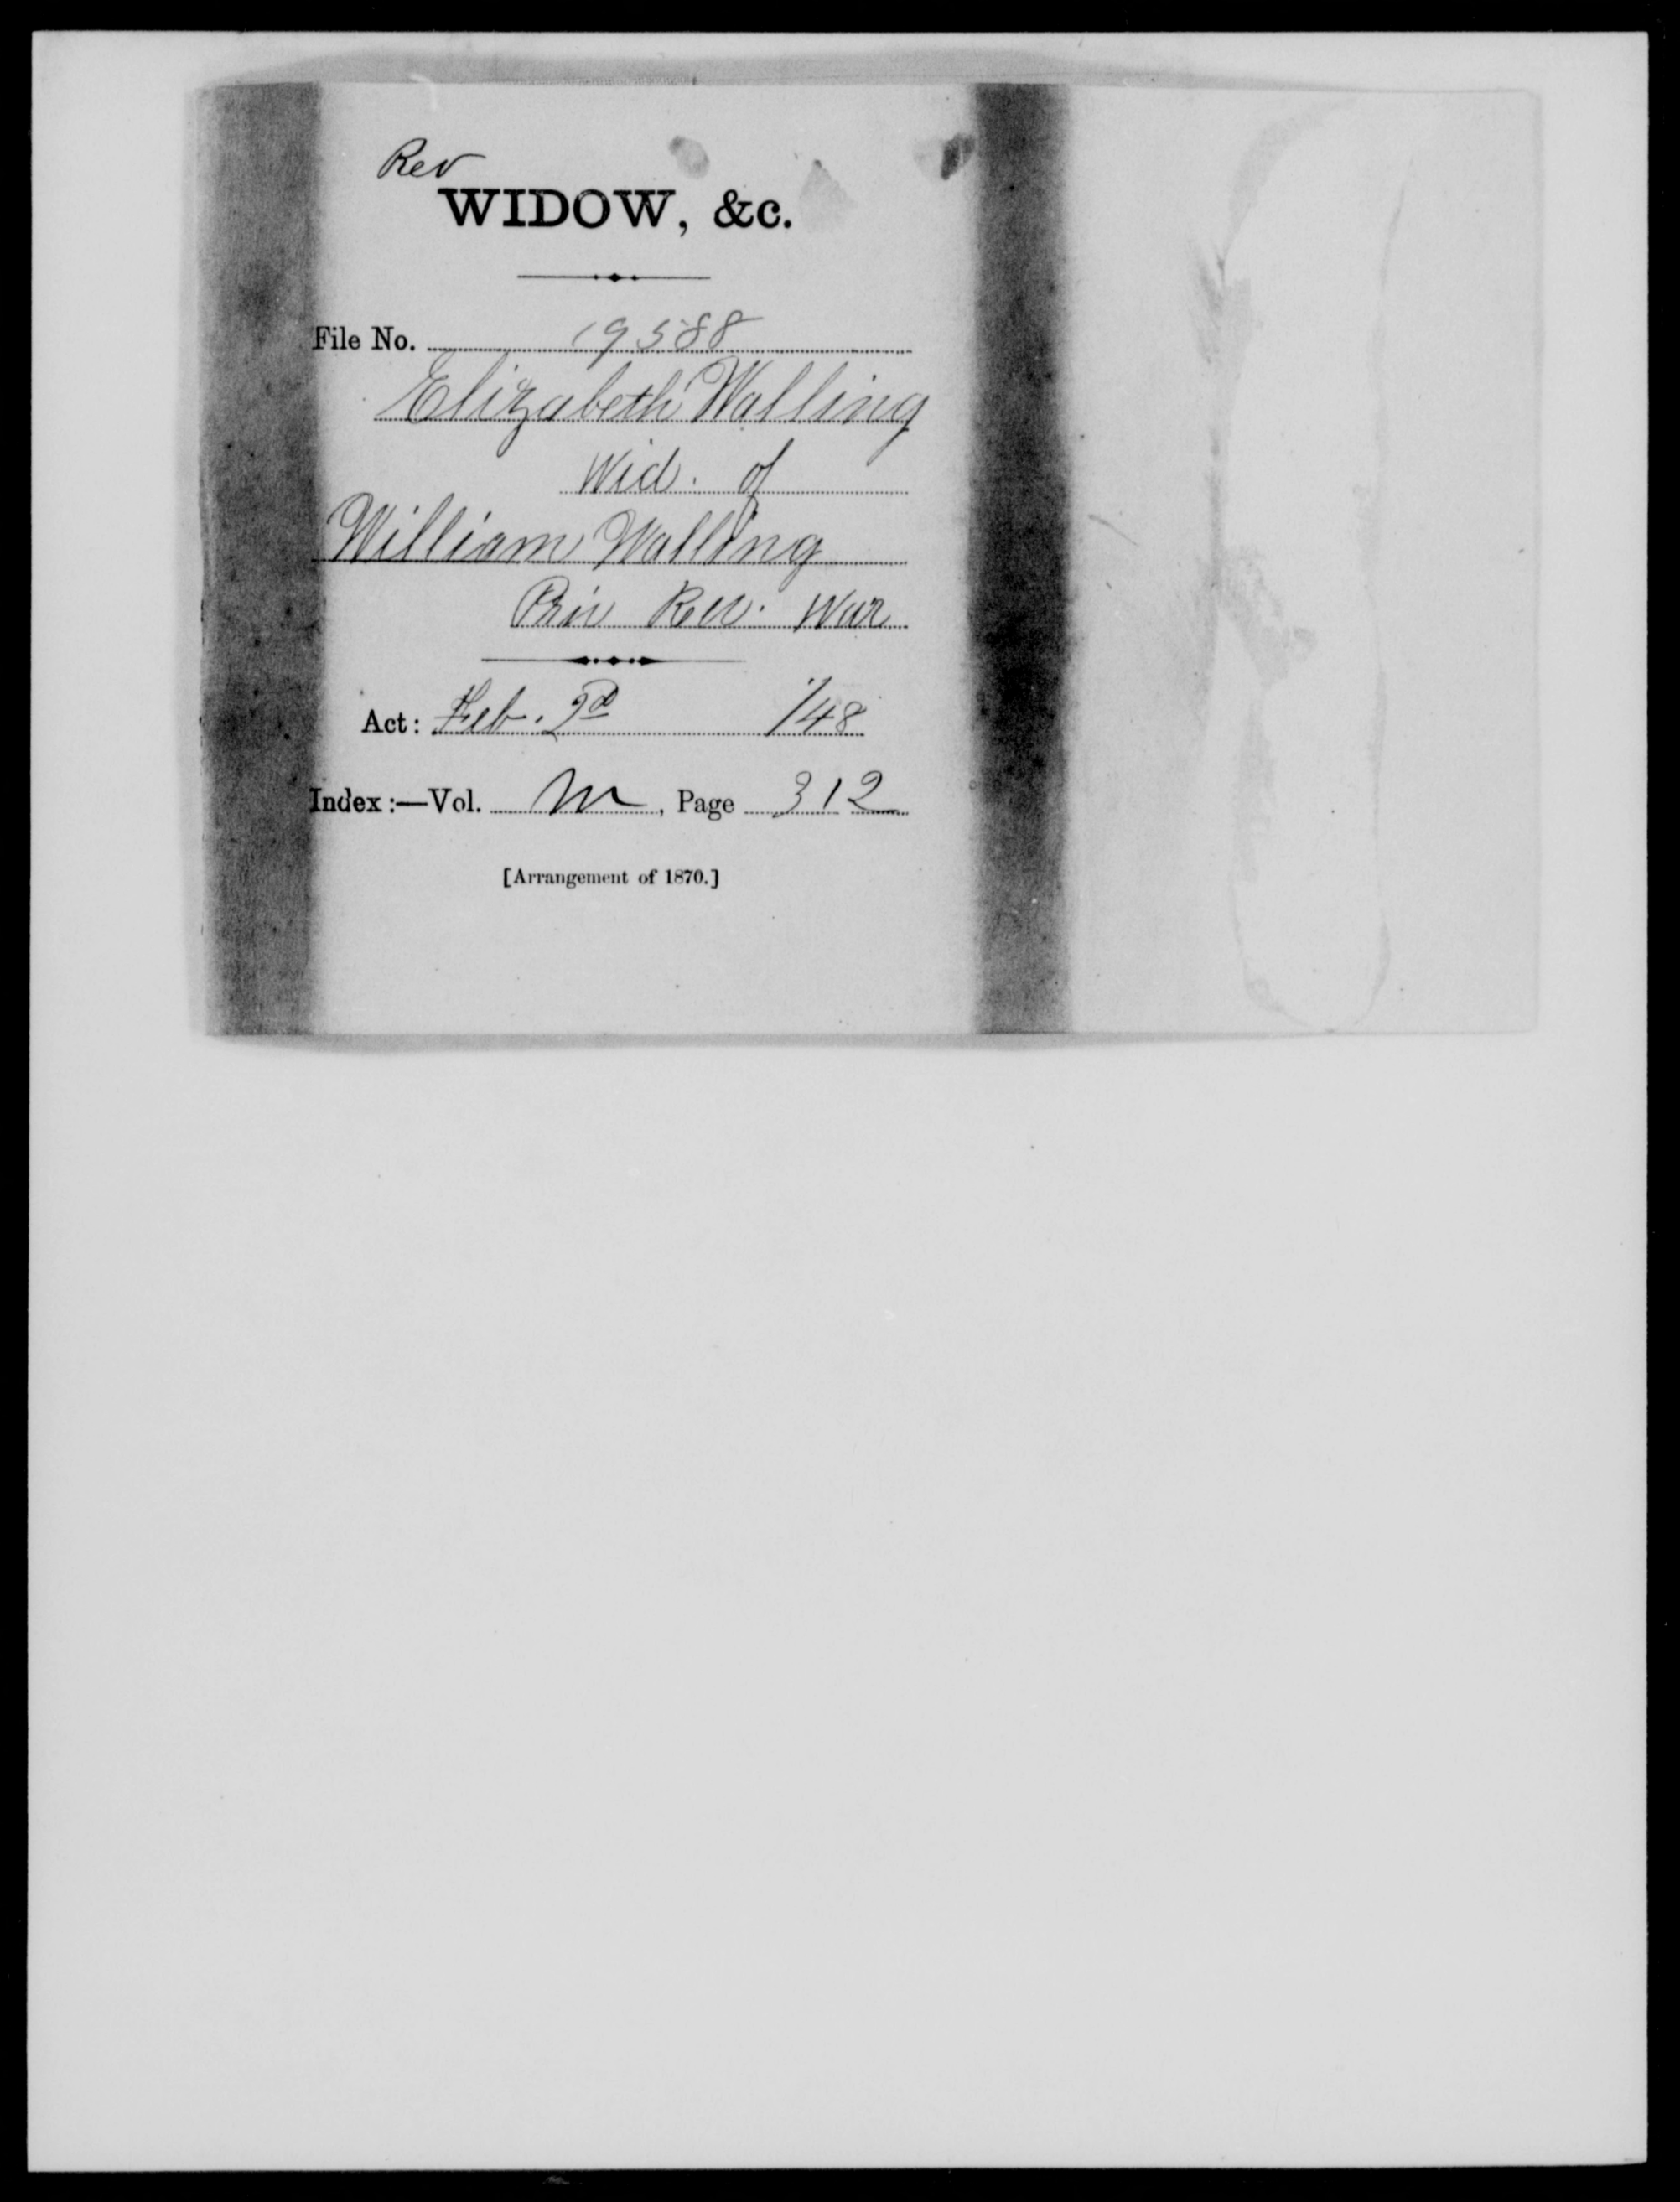Rev 
WIDOW, & c.
File No. 19588
Elizabeth Walling 
Wid of 
William Walling
Priv Rev War
Act: Feb 2nd /48
Index: - Vol. (M, illegible), Page 312
Arrangement of 1870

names: Elizabeth Walling, William Walling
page: 23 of 66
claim: widow's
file: W. 19588, William Walling, New Jersey